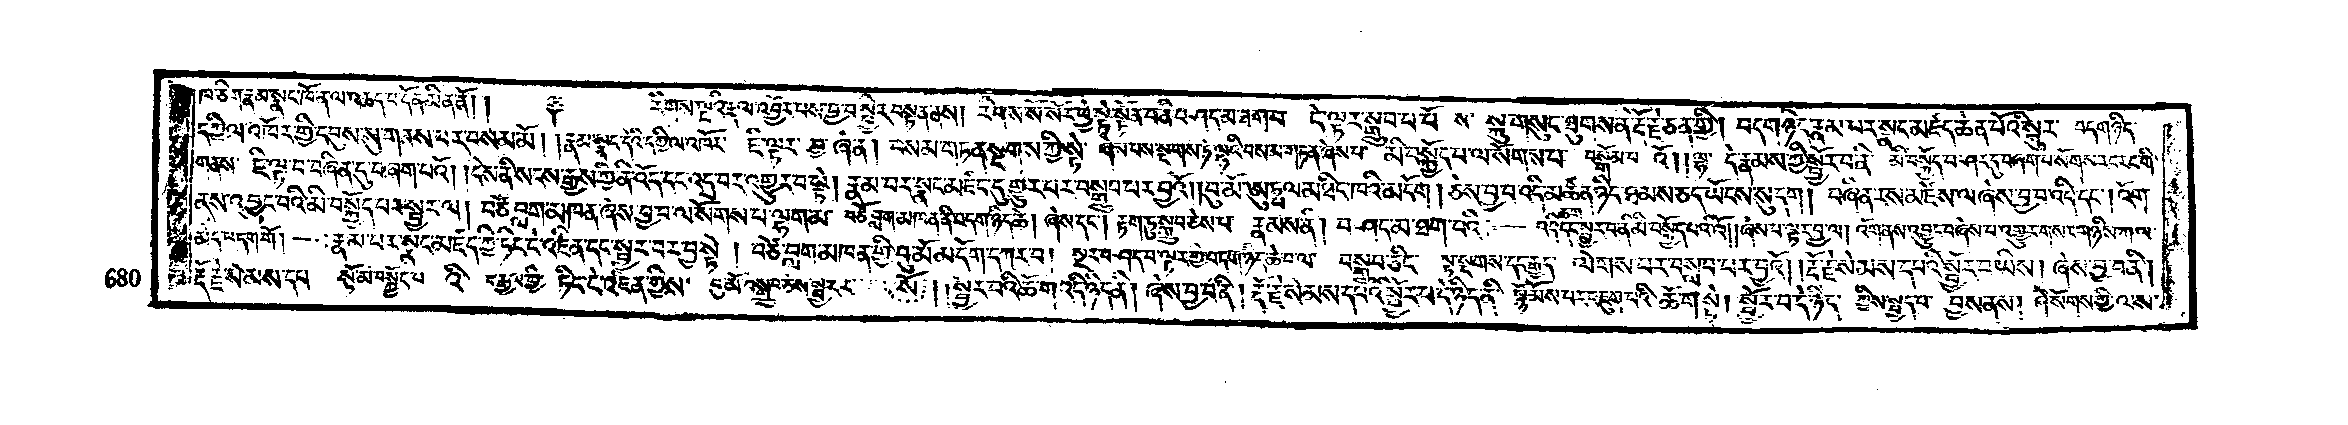ཁ་ཅིག་རྣམ་སྣང་ཁོ་ན་ལ་འཆད་པ་དོན་མིན་ནོ། ༈ རིགས་ལྔའི་རྣལ་འབྱོར་པས་བྱ་བ་སྤྱིར་བསྟན་ནས། རིགས་སོ་སོར་ཕྱེ་སྟེ་སྟོན་པ་ནི་བཤད་མ་ཐག་པ་དེ་ལྟར་སྒྲུབ་པ་པོས་སྐུ་གསུང་ཐུགས་ནི་རྡོ་རྗེ་ཅན་གྱི། བདག་ཉིད་རྣམ་པར་སྣང་མཛད་ཆེན་པོའི་སྐུར་བདག་ཉིད་
དཀྱིལ་འཁོར་གྱི་དབུས་སུ་གནས་པར་བསམ་མོ། ། རྣམ་སྣང་དེའི་དཀྱིལ་འཁོར་ཇི་ལྟར་བྱ་ཞེ་ན། བསམ་གཏན་སྔགས་ཀྱི་སྟེ་ཞེས་པས་སྔགས་ཏེ་ལྷའི་བསམ་གཏན་ཞེས་པ་མི་བསྐྱོད་པ་ལ་སོགས་པ་བསྒོམ་པའོ། །ལྷ་དེ་རྣམས་ཀྱི་སྦྱོར་བ་ནི་མི་བསྐྱོད་པ་ཤར་དུ་བཞག་པ་སོགས་རང་རང་གི་
གནས་ཇི་ལྟ་བཞིན་དུ་བཞག་པའོ། །དེས་ནི་སངས་རྒྱས་ཀྱི་ནི་འོད་དང་འདྲ་བར་འགྱུར་བ་སྟེ། རྣམ་པར་སྣང་མཛད་དུ་གྱུར་བར་བསྒྲུབ་པར་བྱའོ། །བུ་མོ་ཨུཏྤལ་མཐིང་ཁའི་མདོག །ཞེས་བྱ་བ་འདི་མཚན་ཉིད་ཐམས་ཅད་ཡོངས་སུ་དག །བཞིན་རས་མཛེས་ལ་ཞེས་བྱ་བ་འདི་དང་། འོག་
ནས་འབྱུང་བའི་མི་བསྐྱོད་པར་སྦྱར་ལ། བཙོ་བླག་མཁན་ཞེས་བྱ་བ་ལ་སོགས་པ་ལྷག་མ་བཙོ་བླག་མཁན་ནི་བདག་ཉིད་ཆེ། ཞེས་དང་། རྟག་ཏུ་སྒྲུབ་ཅེས་པ་རྣམས་ནི། བཤད་མ་ཐག་པའིཿ་འདི་དང་སྦྱར་བ་ནི་མི་བསྐྱོད་པའི་འོ། །ཞེས་པ་ལྟར་བྱ་ལ། འོག་ནས་འབྱུང་བ་ཞེས་པ་འགྱུར་གསར་གཉིས་ཀ་ལ་
དེ་བདག་གོ །.H རྣམ་པར་སྣང་མཛད་ཀྱི་ཏིང་ངེ་འཛིན་དང་སྦྱར་བར་བྱ་སྟེ། གཙེ་བླག་མཁན་གྱི་བུ་མོ་མདོག་དཀར་བ། སྔར་བཤད་པ་ལྟར་གྱི་བདག་ཉིད་ཆེ་བ་ལ་བསྒྲུབ་ཅིང་། སྟེ་སྔགས་དང་རྒྱུད་ལེགས་པར་བསླབ་པར་བྱའོ། །རྡོ་རྗེ་སེམས་དཔའི་སྦྱོར་བ་ཡིས། ཞེས་བྱ་བ་ནི།
རྡོ་རྗེ་སེམས་དཔའི་སྟེ་མི་བསྐྱོད་པའི་ང་རྒྱལ་གྱི་ཏིང་ངེ་འཛིན་གྱིས་བུ་མོ་བསྒྲུབ་ཅས་སྦྱར་རོ་སོ། །སྦྱོར་བའི་ཆོ་ག་འདི་ཉིད་ནི། ཞེས་བྱ་བ་ནི། རྡོ་རྗེ་སེམས་དཔའི་སྦྱོར་བ་དེ་ཉིད་ནི་སྙོམས་པར་འཇུག་པའི་ཆོ་ག་སྟེ། སྦྱོར་བ་དེ་ཉིད་ཀྱི་སྤྱད་པ་བྱས་ནས། ཞི་སོགས་ཀྱི་ལས་